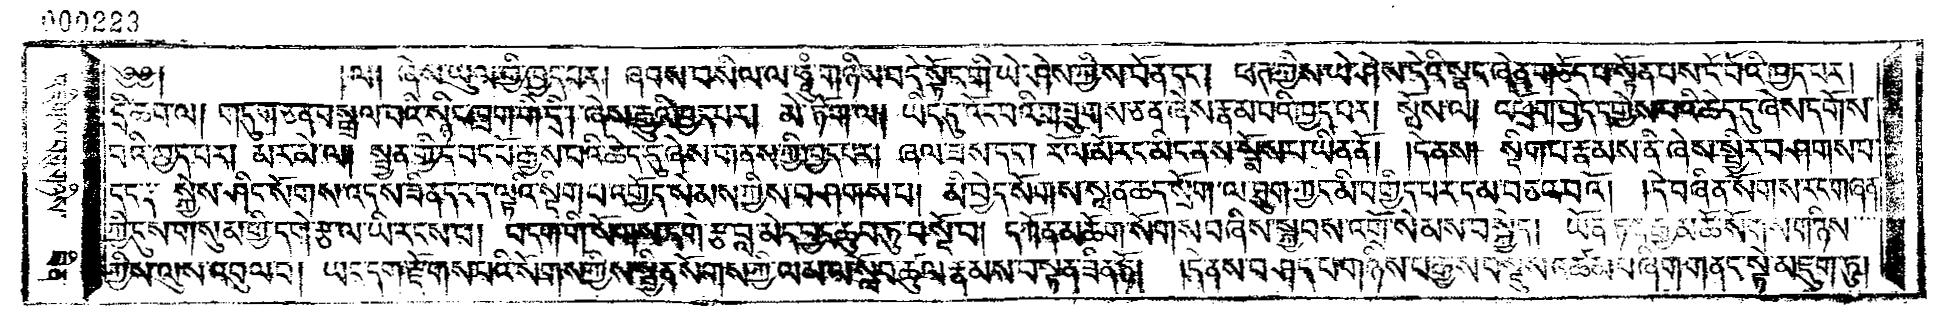༄༅། །ལ། ཞེས་ཡུལ་གྱི་ཁྱད་པར། ཞབས་བསིལ་ལ་ཧཱུཾ་གཉིས་བདེ་སྟོང་གི་ཡེ་ཤེས་ཀྱི་ས་བོན་དང་། ཕཊ་ཀྱིས་ཡེ་ཤེས་དེའི་སྣང་ཞེན་གཅོད་པ་སྟོན་པས་ངོ་བོའི་ཁྱད་པར།
དྲི་ཆབ་ལ། གདུག་ཅན་བསྒྲལ་བའི་སྙིང་ཁྲག་གི་དྲི། ཞེས་རྒྱུའི་ཁྱད་པར། མེ་ཏོག་ལ། ཡིད་དུ་འོང་བའི་གཟུགས་ཅན་ཞེས་རྣམ་པའི་ཁྱད་པར། སྤོས་ལ། འཕྲོག་བྱེད་དགྱེས་པའི་ཆེད་དུ་ཞེས་དགོས་
པའི་ཁྱད་པར། མར་མེ་ལ། སྤྱན་གྱི་དབང་པོ་རྒྱས་པའི་ཆེད་དུ་ཞེས་གནས་ཀྱི་ཁྱད་པར། ཞལ་ཟས་དང་། རོལ་མོ་རང་མིང་ནས་སྨོས་པ་ཡིན་ནོ། །དེ་ནས། སྡིག་པ་རྣམས་ནི་ཞེས་སྤྱིར་བཤགས་པ་
དང༑ སྐྱེས་ཤིང་སོགས་འདས་ཟིན་དང་ད་ལྟའི་སྡིག་པ་འགྱོད་སེམས་ཀྱིས་བཤགས་པ། མི་བྱེད་སོགས་སླན་ཆད་སྲོག་ལ་ཐུག་ཀྱང་མི་བགྱིད་པར་དམ་བཅའ་བའོ། །དེ་བཞིན་སོགས་རང་གཞན་
ཀྱི་དུས་གསུམ་གྱི་དགེ་རྩ་ལ་ཡི་རངས་པ། བདག་གི་སོགས་དགེ་རྩ་བླ་མེད་བྱང་ཆུབ་ཏུ་བསྔོ་བ། དཀོན་མཆོག་སོགས་བཞིས་སྐྱབས་འགྲོ་སེམས་བསྐྱེད། ཡོན་ཏན་རྒྱ་མཚོ་སོགས་གཉིས་
ཀྱིས་ལུས་འབུལ་བ། ཡང་དག་རྫོགས་པའི་སོགས་ཀྱིས་སྦྱིན་སོགས་ཀྱི་ལམ་ལ་སློབ་ཚུལ་རྣམས་བསྟན་ཟིན་ཏོ། །དེ་ནས་བཤད་པ་གཉིས་པ་རྒྱས་བསྡུས་འཚམ་པ་ཞིག་གནང་སྟེ་མཇུག་ཏུ།